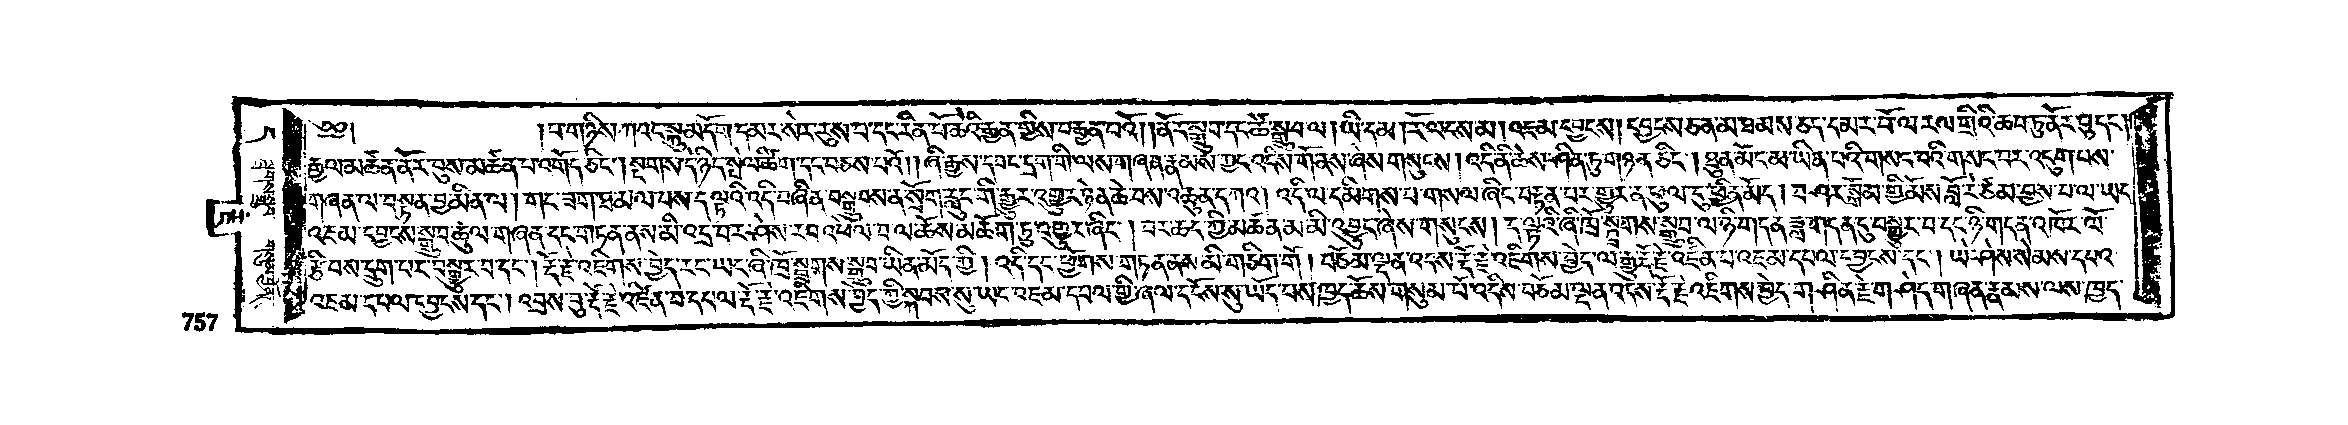༄༅། །པ་གཉིས་ཀའང་སྐུ་མདོག་དམར་སེར་རུས་པ་དང་རིན་པོ་ཆེའི་རྒྱན་གྱིས་བརྒྱན་པའོ། །ནོར་སྒྲུབ་དང་ཚེ་སྒྲུབ་ལ། ཡི་དམ། རོ་ལངས་མ། འཇམ་དབྱངས། དབྱངས་ཅན་མ་ཐམས་ཅད་དམར་པོ་ལ་རལ་གྲིའི་ཆབ་ཏུ་ནོར་བུ་དང་།
རྒྱལ་མཚན་ནོར་བུས་མཚན་པ་འགོད་ཅིང་། སྔགས་དེ་ཉིད་སྤེལ་ཚིག་དང་བཅས་པའོ། །ཞི་རྒྱས་དབང་དྲག་གི་ལས་གཞན་རྣམས་ཀྱང་འདིས་གོ་ནས་ཞེས་གསུངས། འདི་ནི་ཆེས་ཤིན་ཏུ་གཉན་ཅིང་། ཐུན་མོང་མ་ཡིན་པའི་གསང་བའི་གསང་བར་འདུག་པས་
གཞན་ལ་བསྟན་བྱ་མིན་ལ། གང་ཟག་ཐ་མལ་པས་ད་ལྟའི་འདི་བཞིན་བསྒྲུབས་ན་སྲོག་རླུང་གི་རྒྱུར་འགྱུར་ཉེན་ཆེ་བས་འཆུན་དཀའ། འདི་ལ་དམིགས་པ་གསལ་ཞིང་བརྟན་པར་གྱུར་ན་ཕུལ་དུ་ཕྱིན་མོད། བཤར་སྒོམ་གྱི་མོས་བློ་རེ་ཙམ་བྱས་པ་ལ་ཡང་
འཇམ་དབྱངས་སྒྲུབ་ཚུལ་གཞན་དང་གཏན་ནས་མི་འདྲ་བར་ཤེས་རབ་འཕེལ་བ་ལ་ཆོས་མཆོག་ཏུ་འགྱུར་ཞིང་། བར་ཆད་ཀྱི་མཚན་མ་མི་འབྱུང་ཞེས་གསུངས། ད་ལྟའི་ཞི་ཁྲོ་སྦྲགས་སྒྲུབ་ལ་ཉི་གདན་ཟླ་གདན་དུ་བསྒྱུར་བ་དང་ཉི་གདན་འཁོར་ལོ་
རྩིབས་དྲུག་པར་བསྒྱུར་བ་དང་། རྡོ་རྗེ་འཇིགས་བྱེད་རང་ཡང་ཞི་ཁྲོ་སྦྲགས་སྒྲུབ་ཡིན་མོད་ཀྱི། འདི་དང་ཕྱོགས་གཏན་ནས་མི་གཅིག་གོ །བཅོམ་ལྡན་འདས་རྡོ་རྗེ་འཇིགས་བྱེད་ལ་རྒྱུ་རྡོ་རྗེ་འཛིན་པ་འཇམ་དཔལ་དབྱངས་དང་། ཡེ་ཤེས་སེམས་དཔའ་
འཇམ་དཔལ་དབྱངས་དང་། འབྲས་བུ་རྡོ་རྗེ་འཛིན་པ་དཔལ་རྡོ་རྗེ་འཇིགས་བྱེད་ཀྱི་སྐབས་སུ་ཡང་འཇམ་དཔལ་གྱི་ཞལ་དངོས་སུ་ཡོད་པས་ཁྱད་ཆོས་གསུམ་པོ་འདིས་བཅོམ་ལྡན་འདས་རྡོ་རྗེ་འཇིགས་བྱེད་གཤིན་རྗེ་གཤེད་གཞན་རྣམས་ལས་ཁྱད་